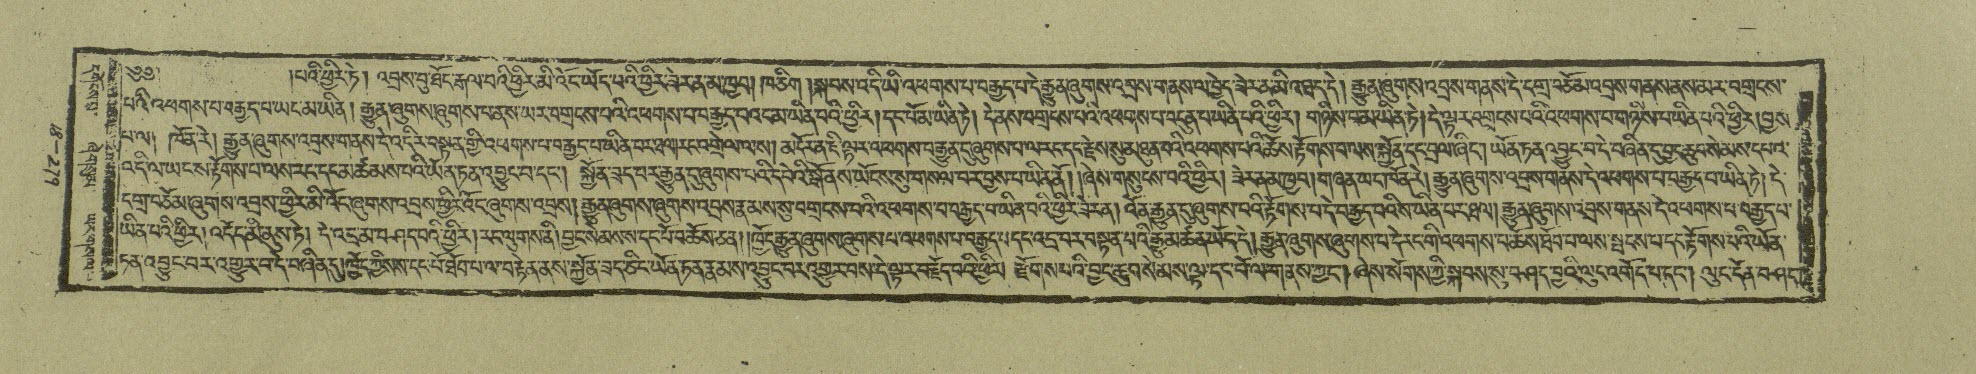༄༅། །པའི་ཕྱིར་ཏེ། འབྲས་བུ་ཐོད་རྒལ་བའི་ཕྱིར་མི་འོང་ཡོད་པའི་ཕྱིར་ཟེར་ན་མ་ཁྱབ། ཁ་ཅིག །སྐབས་འདི་ཡི་འཕགས་པ་བརྒྱད་པ་དེ་རྒྱུན་ཞུགས་འབྲས་གནས་ལ་བྱེད་ཟེར་ན་མི་འཐད་དེ། རྒྱུན་ཞུགས་འབྲས་གནས་དེ་དགྲ་བཅོམ་འབྲས་གནས་ནས་མར་བགྲངས་
པའི་འཕགས་པ་བརྒྱད་པ་ཡང་མ་ཡིན། རྒྱུན་ཞུགས་ཞུགས་པ་ནས་ཡ་རབ་གྲངས་པའི་འཕགས་པ་བརྒྱད་པའང་མ་ཡིན་པའི་ཕྱིར། དང་པོ་མ་ཡིན་ཏེ། དེ་ནས་བགྲངས་པའི་འཕགས་པ་བདུན་པ་ཡིན་པའི་ཕྱིར། གཉིས་པ་མ་ཡིན་ཏེ། དེ་ལྟར་བགྲངས་པའི་འཕགས་པ་གཉིས་པ་ཡིན་པའི་ཕྱིར། བྱས་
པ་ལ། ཁོ་ན་རེ། རྒྱུན་ཞུགས་འབྲས་གནས་དེ་འདིར་བསྟན་གྱི་འཕགས་པ་བརྒྱད་པ་ཡིན་པར་ཐལ། རང་འགྲེལ་ལས། མདོར་ན་ཇི་ལྟར་འཕགས་པ་རྒྱུན་དུ་ཞུགས་པ་ལ་རང་དང་རྗེས་སུ་མཐུན་པའི་འཕགས་པའི་ཆོས་རྟོགས་པ་ལས་སྐྱོན་དང་བྲལ་ཞིང་། ཡོན་ཏན་འབྱུང་བ་དེ་བཞིན་དུ་བྱང་ཆུབ་སེམས་དཔའ་
འདི་ལ་ཡངས་རྟོགས་པ་ལས་རང་དང་མཚམས་པའི་ཡོན་ཏན་འབྱུང་བ་དང་། སྐྱོན་ཟད་པར་རྒྱུན་དུ་ཞུགས་པའི་དཔེའི་སྒོ་ནས་ཡོངས་སུ་གསལ་བར་བྱས་པ་ཡིན་ནོ། །ཞེས་གསུངས་པའི་ཕྱིར། ཟེར་ན་མ་ཁྱབ། གཞན་ཡང་ཁོ་ན་རེ། རྒྱུན་ཞུགས་འབྲས་གནས་དེ་འཕགས་པ་བརྒྱད་པ་ཡིན་ཏེ། དེ་
དགྲ་བཅོམ་ཞུགས་འབྲས་ཕྱིར་མི་འོང་ཞུགས་འབྲས་ཕྱིར་འོང་ཞུགས་འབྲས། རྒྱུན་ཞུགས་ཞུགས་འབྲས་རྣམས་སུ་བགྲངས་པའི་འཕགས་པ་བརྒྱད་པ་ཡིན་པའི་ཕྱིར་ཟེར་ན། འོ་ན་རྒྱུན་དུ་ཞུགས་པའི་རྟོགས་པ་དེ་བརྒྱད་པའི་ས་ཡིན་པར་ཐལ། རྒྱུན་ཞུགས་འབྲས་གནས་དེ་འཕགས་པ་བརྒྱད་པ་
ཡིན་པའི་ཕྱིར། འདོད་མི་ནུས་ཏེ། དེ་འདྲ་མ་བཤད་པའི་ཕྱིར། རང་ལུགས་ནི། བྱང་སེམས་དང་པོ་བ་ཆོས་ཅན། །ཁྱོད་རྒྱུན་ཞུགས་ཞུགས་པ་འཕགས་པ་བརྒྱད་པ་དང་འདྲ་བར་བསྟན་པའི་རྒྱུ་མཚན་ཡོད་དེ། རྒྱུན་ཞུགས་ཞུགས་པ་དེ་རང་གི་འཕགས་པ་ཆོས་ཐོབ་པ་ལས་སྤངས་བ་དང་རྟོགས་པའི་ཡོན་
ཏན་འབྱུང་བར་འགྱུར་བ་དེ་བཞིན་དུ་ཁྱོད་ཀྱིས་ས་དང་པོ་ཐོབ་པ་ལ་བརྟེན་ནས་སྐྱོན་ཟད་ཅིང་ཡོན་ཏན་རྣམས་འབྱུང་བར་འགྱུར་བས་དེ་ལྟར་བརྗོད་པའི་ཕྱིར། རྫོགས་པའི་བྱང་ཆུབ་སེམས་ལྟ་དང་པོ་ལ་གནས་ཀྱང་། ཞེས་སོགས་ཀྱི་སྐབས་སུ་བཤད་བྱའི་ལུང་འགོད་པ་དང་། ལུང་དོན་བཤད་